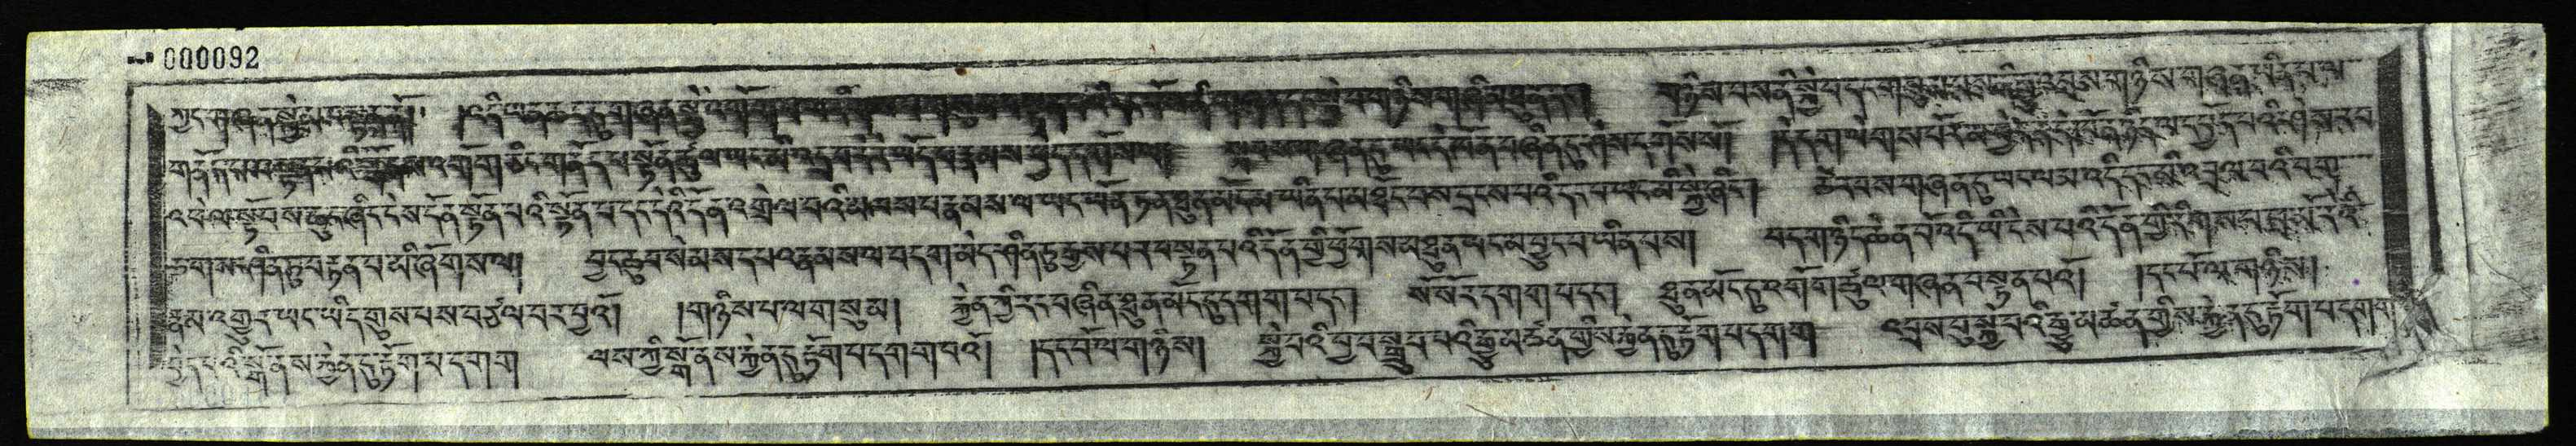ཀྱང་གཞན་སྐྱེ་མ་བསྟན་ནོ། །འདི་ཡན་ཆད་དུ་གཞན་སྐྱེ་འགོག་པ་ལ་རིགས་པ་གསུམ་བསྟན་པའི་དང་པོ་ས་ནི་གཞན་དང་སྐྱེ་བ་གཉིས་གཞི་མཐུན་དང་། གཉིས་པ་ས་ནི་སྐྱེ་བ་དང་གསུམ་པ་ས་ནི་རྒྱུ་འབྲས་གཉིས་གཞན་ཡིན་པ་ལ་
གནོད་པ་བསྟན་པའི་སྒོ་ནས་འགོག་ཅིང་གནོད་པ་སྟོན་ཚུལ་ཡང་མི་འདྲ་བ་རེ་རེ་ཡོད་པ་རྣམས་ཕྱེད་དགོས་ལ། སྐབས་གཞན་དུ་ཡང་དེ་ཁོ་ན་བཞིན་དུ་ཤེས་དགོས་སོ། །དེ་དག་ལེགས་པོར་མ་བྱེད་ན་དེ་ཁོ་ན་ཉིད་ལ་དཔྱོད་པའི་ཤེས་རབ་
འཕེལ་སྟོབས་ཆུང་ཞིང་ངེས་དོན་སྟོན་པའི་སྟོན་པ་དང་དེའི་དོན་འགྲེལ་བའི་མཁས་པ་རྣམས་ལ་ཡང་ཡོན་ཏན་ཐུན་མོང་མ་ཡིན་པ་མཐོང་བས་དྲངས་པའི་དང་བ་ཡང་མི་སྐྱེ་ཞིང་། ཚེ་རབས་གཞན་དུ་ཡང་ལམ་འདི་དང་མི་འབྲལ་བའི་བག་
ཆགས་ཤིན་ཏུ་བརྟན་པ་མི་ཞོགས་ལ། བྱང་ཆུབ་སེམས་དཔའ་རྣམས་ལ་བདག་མེད་ཤིན་ཏུ་རྒྱས་པར་བསྟན་པའི་དོན་གྱི་ཕྱོགས་མཐུན་ཡང་མ་བྱུང་པ་ཡིན་པས། བདག་ཉིད་ཆེན་པོ་འདི་ཡི་ངེས་པའི་དོན་གྱི་རིགས་པ་ཕྲ་མོ་དེའི་
རྣམ་འགྱུར་ཡང་ཡིད་གུས་པས་བཙལ་བར་བྱའོ། །གཉིས་པ་ལ་གསུམ། རྐྱེན་གྱི་རང་བཞིན་ཐུན་མོང་དུ་དགག་པ་དང་། སོ་སོར་དགག་པ་དང་། ཐུན་མོང་དུ་འགོག་ཚུལ་གཞན་བསྟན་པའོ། །དང་པོ་ལ་གཉིས།
བྱེད་པའི་སྒོ་ནས་རྐྱེན་དུ་རྟོག་པ་དགག་ལས་ཀྱི་སྒོ་ནས་རྐྱེན་དུ་རྟོག་པ་དགག་པའོ། །དང་པོ་ལ་གཉིས། སྐྱེ་བའི་བྱ་བ་སྒྲུབ་པའི་རྒྱུ་མཚན་གྱིས་རྐྱེན་དུ་རྟོག་པ་དགག་འབྲས་བུ་སྐྱེ་བའི་རྒྱུ་མཚན་གྱིས་རྐྱེན་དུ་རྟོག་པ་དགག་